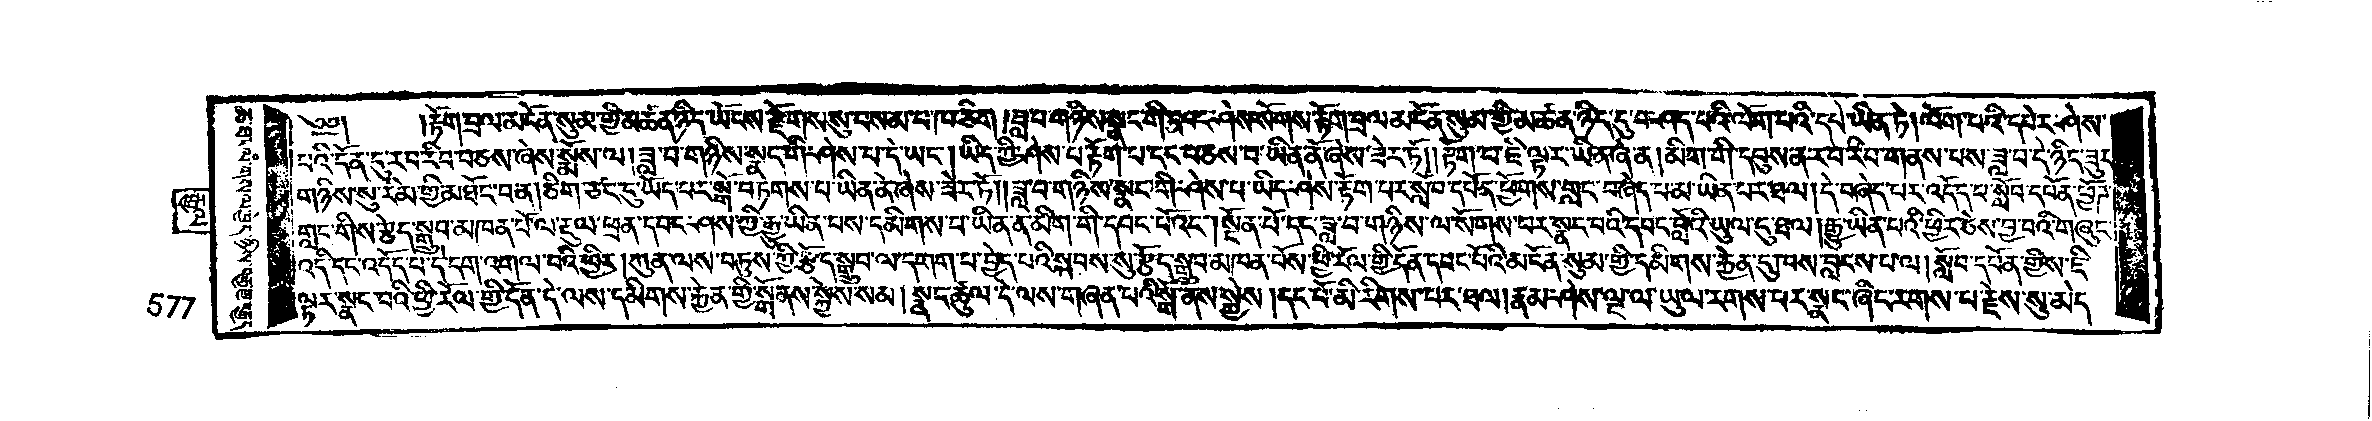༄༅། །རྟོག་བྲལ་མངོན་སུམ་གྱི་མཚན་ཉིད་ཡོངས་རྫོགས་སུ་བསམ་པ་ཁ་ཅིག །ཟླ་བ་གཉིས་སྣང་གི་དབང་ཤེས་སོགས་རྟོག་བྲལ་མངོན་སུམ་གྱི་མཚན་ཉིད་དུ་བཤད་པའི་ལོག་པའི་དཔེ་ཡིན་ཏེ། ལོག་པའི་དཔེར་ཤེས་
པའི་དོན་དུ་རབ་རིབ་བཅས་ཞེས་སྨོས་ལ། ཟླ་བ་གཉིས་སྣང་གི་ཤེས་པ་དེ་ཡང་། ཡིད་ཀྱི་ཤེས་པ་རྟོག་པ་དང་བཅས་པ་ཡིན་ནོ་ཞེས་ཟེར་ཏོ། །རྟོག་པ་ཇི་ལྟར་ཡིན་ཞེ་ན། མིག་གི་དབུས་ན་རབ་རིབ་གནས་པས་ཟླ་བ་དེ་ཉིད་ཟུར་
གཉིས་སུ་རིམ་གྱི་མཐོང་བ་ན། ཅིག་ཙང་དུ་ཡོད་པར་སྒོ་བཏགས་པ་ཡིན་ནེ་ཞེས་ཟེར་ཏོ། །ཟླ་བ་གཉིས་སྣང་གི་ཤེས་པ་ཡིད་ཤེས་རྟོག་པར་སློབ་དཔོན་ཕྱོགས་གླང་བཞེད་པ་མ་ཡིན་པར་ཐལ། དེ་བཞེད་པར་འདོད་པ་སློབ་དཔོན་ཕྱོགས་
གླང་གིས་རྩེད་སྒྲུབ་མཁན་པོ་ལ་རྡུལ་ཕྲན་དབང་ཤེས་ཀྱི་རྒྱུ་ཡིན་པས་དམིགས་པ་ཡིན་ན་མིག་གི་དབང་པོའང་། སྔོན་པོ་དང་ཟླ་བ་གཉིས་ལ་སོགས་པར་སྣང་བའི་དབང་བློའི་ཡུལ་དུ་ཐལ། རྒྱུ་ཡིན་པའི་ཕྱིར་ཅེས་བྱ་བའི་གཞུང་
འདི་དང་འདོད་པ་དེ་དག་འགལ་བའི་ཕྱིར། ཀུན་ལས་བཏུས་ཀྱི་རྩོད་སྒྲུབ་ལ་དགག་པ་བྱེད་པའི་སྐབས་སུ་རྩོད་སྒྲུབ་མཁན་པོས་ཕྱི་རོལ་གྱི་དོན་དབང་པོའི་མངོན་སུམ་གྱི་དམིགས་རྐྱེན་དུ་ཁས་བླངས་པ་ལ། སློབ་དཔོན་གྱིས་ཇི་
ལྟར་སྣང་བའི་ཕྱི་རོལ་གྱི་དོན་དེ་ལས་དམིགས་རྐྱེན་གྱི་སྒོ་ནས་སྐྱེས་སམ། སྣང་ཚུལ་དེ་ལས་གཞན་པའི་སྒོ་ནས་སྐྱེས། དང་པོ་མི་རིགས་པར་ཐལ། རྣམ་ཤེས་ལྔ་ལ་ཡུལ་རགས་པར་སྣང་ཞིང་རགས་པ་རྗེས་སུ་མེད་